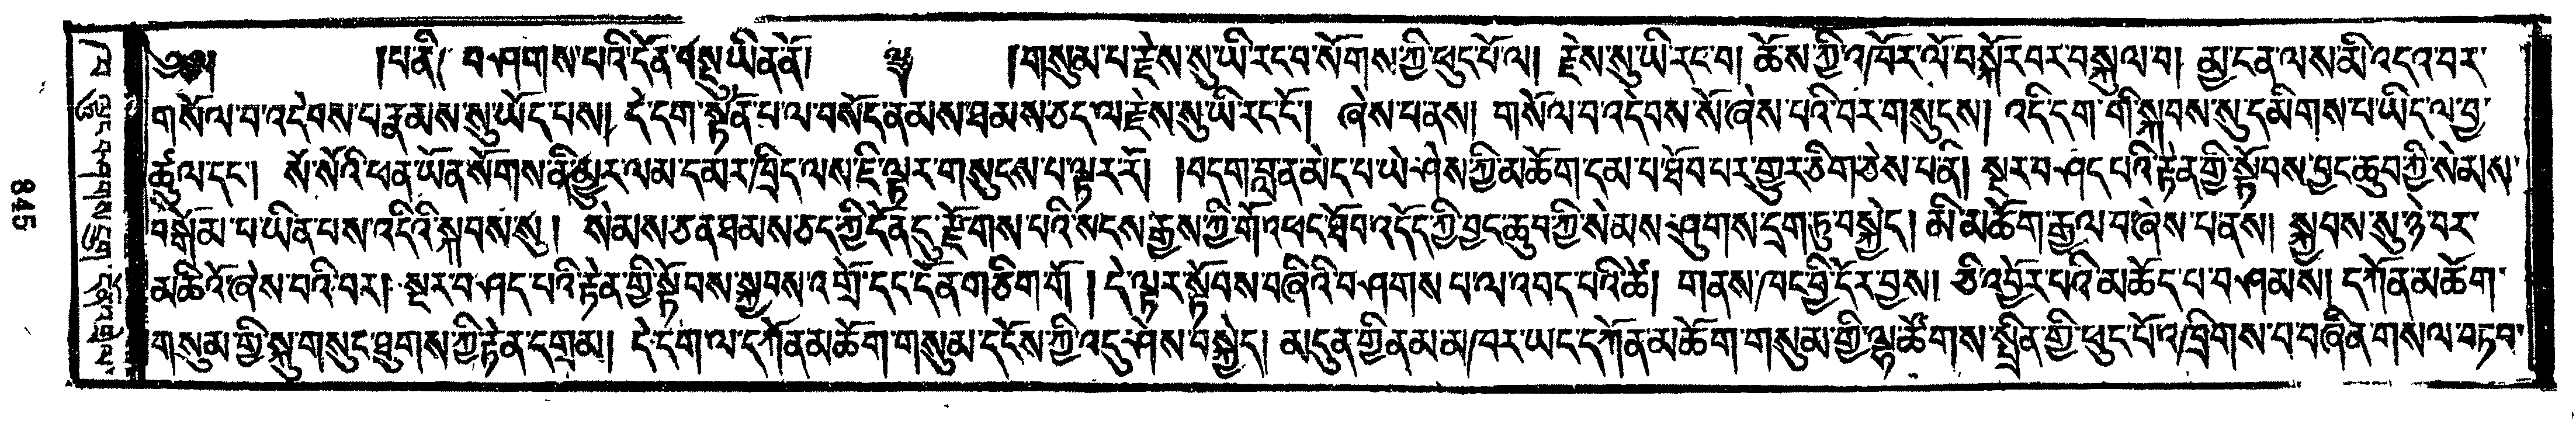༄༅། །པ་ནི༑ བཤགས་པའི་དོན་བསྡུ་ཡིན་ནོ། ༈ །གསུམ་པ་རྗེས་སུ་ཡི་རང་བ་སོགས་ཀྱི་ཕུང་པོ་ལ། རྗེས་སུ་ཡི་རང་བ། ཆོས་ཀྱི་འཁོར་ལོ་བསྐོར་བར་བསྐུལ་བ། མྱ་ངན་ལས་མི་འདའ་བར་
གསོལ་བ་འདེབས་པ་རྣམས་སུ་ཡོད་པས། དེ་དག་སྟོན་པ་ལ་བསོད་ནམས་ཐམས་ཅད་ལ་རྗེས་སུ་ཡི་རང་ངོ། ཞེས་པ་ནས། གསོལ་བ་འདེབས་སོ་ཞེས་པའི་བར་གསུངས། འདི་དག་གི་སྐབས་སུ་དམིགས་པ་ཡིད་ལ་བྱ་
ཚུལ་དང་། སོ་སོའི་ཕན་ཡོན་སོགས་ནི་མྱུར་ལམ་དམར་ཁྲིད་ལས་ཇི་ལྟར་གསུངས་པ་ལྟར་རོ། །བདག་བླ་ན་མེད་པ་ཡེ་ཤེས་ཀྱི་མཆོག་དམ་པ་ཐོབ་པར་གྱུར་ཅིག་ཅེས་པ་ནི། སྔར་བཤད་པའི་རྟེན་གྱི་སྟོབས་བྱང་ཆུབ་ཀྱི་སེམས་
བསྒོམ་པ་ཡིན་པས་འདིའི་སྐབས་སུ། སེམས་ཅན་ཐམས་ཅད་ཀྱི་དོན་དུ་རྫོགས་པའི་སངས་རྒྱས་ཀྱི་གོ་འཕང་ཐོབ་འདོད་ཀྱི་བྱང་ཆུབ་ཀྱི་སེམས་ཤུགས་དྲག་ཏུ་བསྐྱེད། མི་མཆོག་རྒྱལ་བ་ཞེས་པ་ནས། སྐྱབས་སུ་ཉེ་བར་
མཆིའོ་ཞེས་པའི་བར། སྔར་བཤད་པའི་རྟེན་གྱི་སྟོབས་སྐྱབས་འགྲོ་དང་དོན་གཅིག་གོ། དེ་ལྟར་སྟོབས་བཞིའི་བཤགས་པ་ལ་འབད་པའི་ཚེ། གནས་ཁང་བྱི་དོར་བྱས། ཅི་འབྱོར་པའི་མཆོད་པ་བཤམས། དཀོན་མཆོག་
གསུམ་གྱི་སྐུ་གསུང་ཐུགས་ཀྱི་རྟེན་དགྲམ། དེ་དག་ལ་དཀོན་མཆོག་གསུམ་དངོས་ཀྱི་འདུ་ཤེས་བསྐྱེད། མདུན་གྱི་ནམ་མཁར་ཡང་དཀོན་མཆོག་གསུམ་གྱི་ལྷ་ཚོགས་སྤྲིན་གྱི་ཕུང་པོ་འཁྲིགས་བ་བཞིན་གསལ་བཏབ་